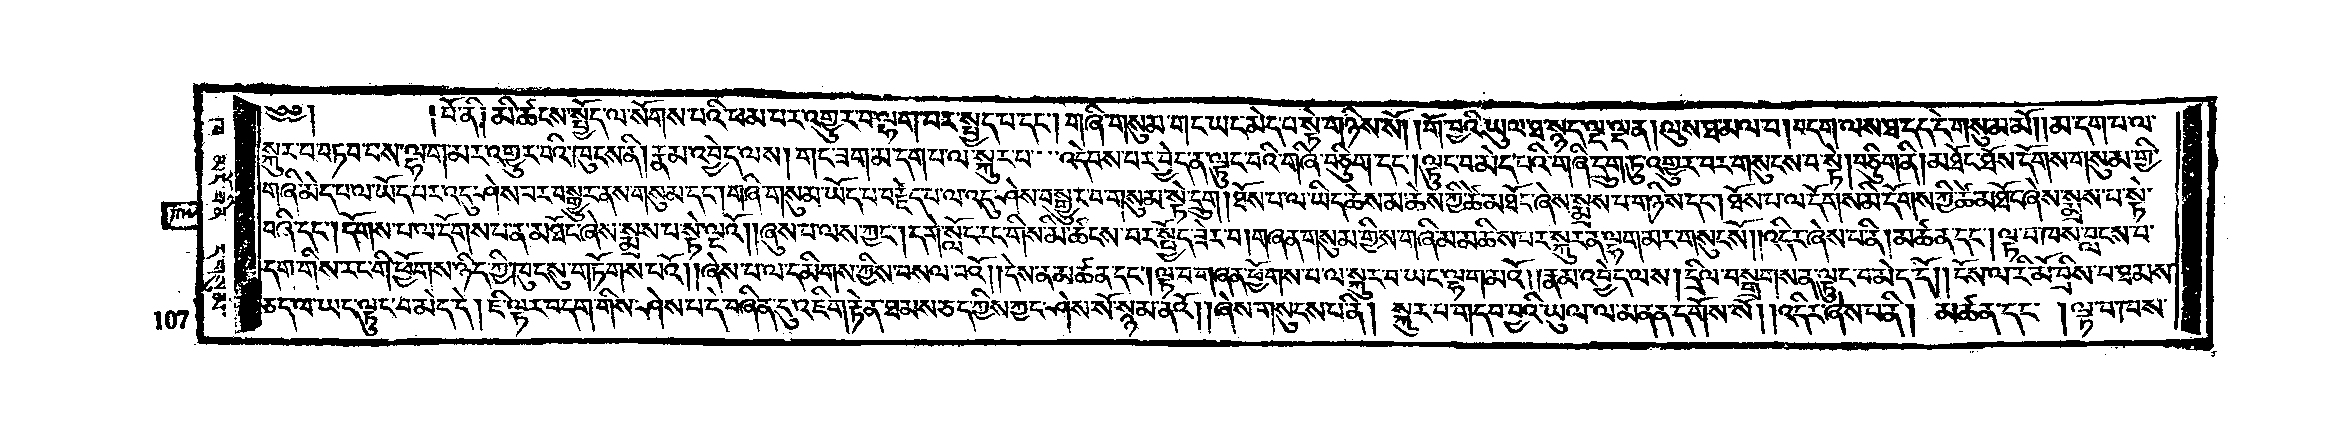༄༅། །པོ་ནི། མི་ཚངས་སྤྱོད་ལ་སོགས་པའི་ཕམ་པར་འགྱུར་བ་ལྷག་པར་སྤྱད་པ་དང་། གཞི་གསུམ་གང་ཡང་མེད་པ་སྟེ་གཉིས་སོ། །གོ་བྱའི་ཡུལ་ཐ་སྙད་ལྔ་ལྡན། ལུས་ཐ་མལ་པ། བདག་ལས་ཐ་དད་དེ་གསུམ་མོ། །མ་དག་པ་ལ་
སྐུར་པ་བཏབ་པས་ལྷག་མར་འགྱུར་བའི་ཁུངས་ནི། རྣམ་འབྱེད་ལས། གང་ཟག་མ་དག་པ་ལ་སྐུར་པ་འདེབས་པར་བྱེད་ན་ལྟུང་བའི་གཞི་བཅུ་གཅིག་དང་། ལྟུང་བ་མེད་པའི་གཞི་དྲུག་ཏུ་འགྱུར་བར་གསུངས་པ་སྟེ། བཅུ་གཅིག་ནི། མཐོང་ཐོས་དོགས་གསུམ་གྱི་
གཞི་མེད་པ་ལ་ཡོད་པར་འདུ་ཤེས་པར་བསྒྱུར་ནས་གསུམ་དང་། གཞི་གསུམ་ཡོད་པ་བརྗེད་པ་ལ་འདུ་ཤེས་བསྒྱུར་བ་གསུམ་སྟེ་དྲུག །ཐོས་པ་ལ་ཡིད་ཆེས་མ་ཆེས་ཀྱི་ཚེ་མཐོང་ཞེས་སྨྲས་པ་གཉིས་དང་། ཐོས་པ་ལ་དོགས་མི་དོགས་ཀྱི་ཚེ་མཐོང་ཞེས་སྨྲས་པ་སྟེ་
བཞི་དང་། དོགས་པ་ལ་དོགས་པ་ན་མཐོང་ཞེས་སྨྲས་པ་སྟེ་ལྔའོ། །ཞུས་པ་ལས་ཀྱང་། དགེ་སློང་རང་གིས་མི་ཚངས་བར་སྤྱོད་ཟེར་བ། གཞན་གསུམ་གྱིས་གཞི་མ་མཆིས་པར་སྐུར་ན་ལྷག་མར་གསུངས་སོ། །འདིར་ཞེས་པ་ནི། མཚན་དང་། ལྟ་བ་ཁས་བླངས་པ་
དག་གིས་རང་གི་ཕྱོགས་ཉིད་ཀྱི་ཁུངས་སུ་གཏོགས་པའོ། །ཞེས་པ་ལ་དམིགས་ཀྱིས་བསལ་བའོ། །དེས་ན་མཚན་དང་། ལྟ་བ་གཞན་ཕྱོགས་པ་ལ་སྐུར་བ་ཡང་ལྷག་མའོ། །རྣམ་འབྱེད་ལས། དྲིལ་བསྒྲགས་ན་ལྟུང་བ་མེད་དོ། །ངོས་ལ་རི་མོ་བྲིས་པ་ཐམས་
ཅད་ལ་ཡང་ལྟུང་བ་མེད་དེ། ཇི་ལྟར་བདག་གིས་ཤེས་པ་དེ་བཞིན་དུ་འཇིག་རྟེན་ཐམས་ཅད་ཀྱིས་ཀྱང་ཤེས་སོ་སྙམ་ནའོ། །ཞེས་གསུངས་པ་ནི། སྐུར་པ་གདབ་བྱའི་ཡུལ་ལ་མནན་དགོས་སོ། །འདིར་ཞེས་པ་ནི། མཚན་དང་། ལྟ་བ་ཁས་